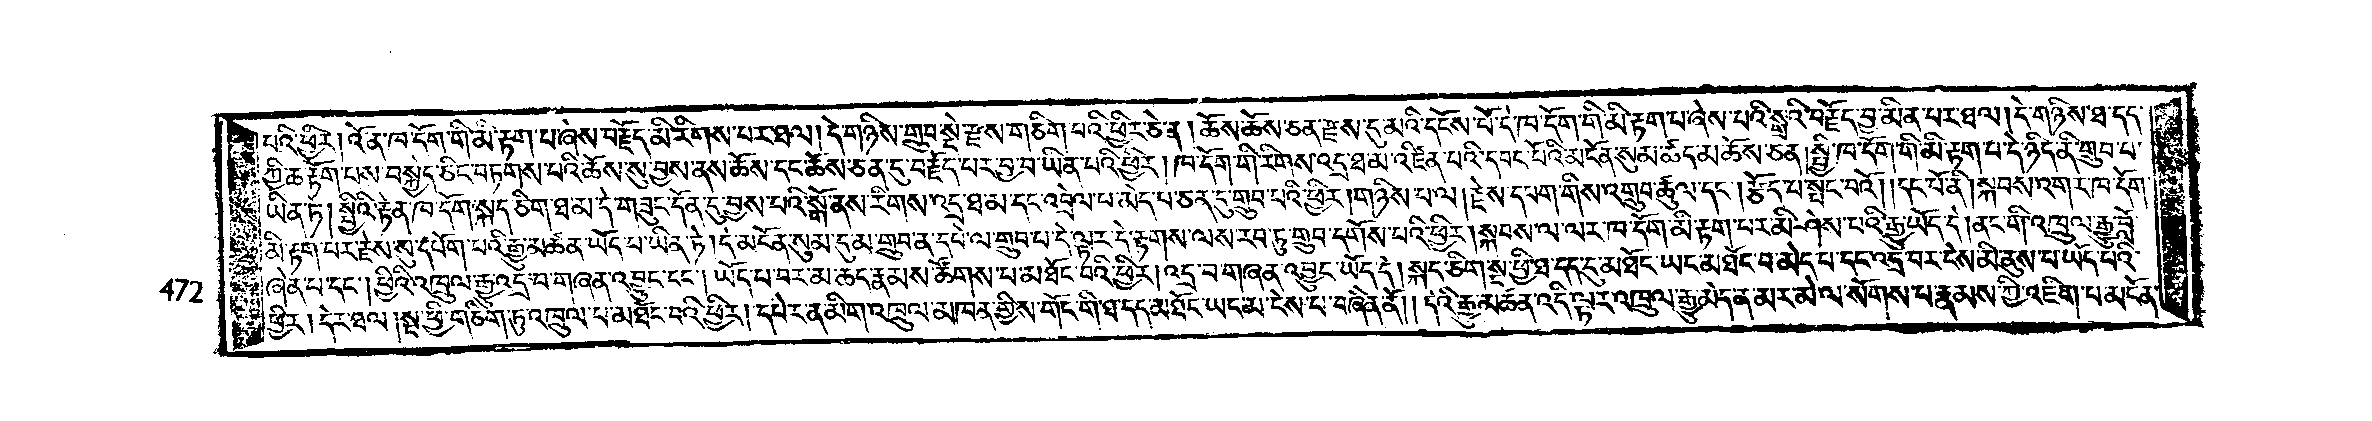པའི་ཕྱིར། འོ་ན་ཁ་དོག་གི་མི་རྟག་པ་ཞེས་བརྗོད་མི་རིགས་པར་ཐལ། དེ་གཉིས་གྲུབ་སྡེ་རྫས་གཅིག་པའི་ཕྱིར་ཅེ་ན། ཆོས་ཆོས་ཅན་རྫས་དུ་མའི་དངོས་པོ་དེ་ཁ་དོག་གི་མི་རྟག་པ་ཞེས་པའི་སྒྲའི་བརྗོད་བྱ་མིན་པར་ཐལ། དེ་གཉིས་ཐ་དད་
ཀྱི་ཆ་རྟོག་པས་བསྐྱེད་ཅིང་བཏགས་པའི་ཆོས་སུ་བྱས་ནས་ཆོས་དང་ཆོས་ཅན་དུ་བརྗོད་པར་བྱ་བ་ཡིན་པའི་ཕྱིར། ཁ་དོག་གི་རིགས་འདྲ་ཐ་མ་འཛིན་པའི་དབང་པོའི་མངོན་སུམ་ཚད་མ་ཆོས་ཅན། སྤྱི་ཁ་དོག་གི་མི་རྟག་པ་དེ་ཉིད་ནི་གྲུབ་པ་
ཡིན་ཏེ། སྤྱིའི་རྟེན་ཁ་དོག་སྐད་ཅིག་ཐ་མ་དེ་གཟུང་དོན་དུ་བྱས་པའི་སྒོ་ནས་རིགས་འདྲ་ཐ་མ་དང་འབྲེལ་པ་མེད་པ་ཅན་དུ་གྲུབ་པའི་ཕྱིར། གཉིས་པ་ལ། རྗེས་དཔག་གིས་འགྲུབ་ཚུལ་དང་། རྩོད་པ་སྤང་བའོ། །དང་པོ་ནི་།སྐབས་འགར་ཁ་དོ་
མི་རྟག་པར་རྗེས་སུ་དཔོག་པའི་རྒྱུ་མཚན་ཡོད་པ་ཡིན་ཏེ། དེ་མངོན་སུམ་དུ་མ་གྲུབ་ན་དཔེ་ལ་གྲུབ་པ་དེ་ལྟར་དེ་རྟགས་ལས་རབ་ཏུ་གྲུབ་དགོས་པའི་ཕྱིར། སྐབས་ལ་ལར་ཁ་དོག་མི་རྟག་པར་མི་ཤེས་པའི་རྒྱུ་ཡོད་དེ། ནང་གི་འཁྲུལ་རྒྱུ་བློ་
ཞན་པ་དང་། ཕྱིའི་འཁྲུལ་རྒྱུ་འདྲ་བ་གཞན་འབྱུང་དང་། ཡོད་པ་བར་མ་ཆད་རྣམས་ཚོགས་པ་མཐོང་བའི་ཕྱིར། འདྲ་བ་གཞན་འབྱུང་ཡོད་དེ། སྐད་ཅིག་སྔ་ཕྱི་ཐ་དད་དུ་མཐོང་ཡང་མཐོང་བ་མེད་པ་དང་འདྲ་བར་ངེས་མི་ནུས་པ་ཡོད་པའི་
ཕྱིར། དེར་ཐལ། སྔ་ཕྱི་གཅིག་ཏུ་འཁྲུལ་པ་མཐོང་བའི་ཕྱིར། དཔེར་ན་མིག་འཁྲུལ་མཁན་གྱིས་གོང་གི་ཐ་དད་མཐོང་ཡང་མ་ངེས་པ་བཞིན་ནོ། །དེའི་རྒྱུ་མཚན་འདི་ལྟར་འཁྲུལ་རྒྱུ་མེད་ན་མར་མེ་ལ་སོགས་པ་རྣམས་ཀྱི་འཇིག་པ་མངོན་